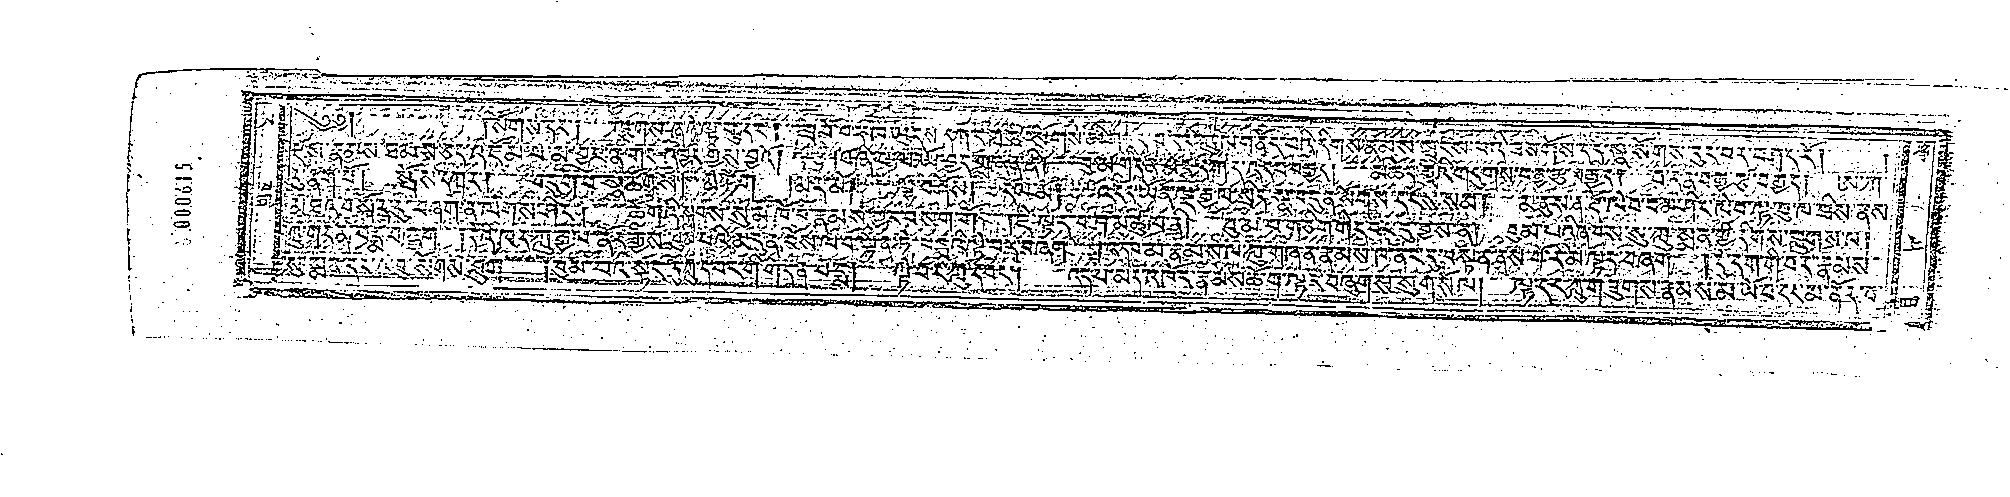༄༅། །སོགས་དང་། ལྕགས་ཞ་ཉེ་ལྟ་བུ་དང་། བྲ་བོ་བད་ཁ་ཡུངས་དཀར་གླ་རྩི་སོགས་མི་གཙད་བ་དང་ཀླུ་ལ་གནོད་བའི་རིགས་རྣམས་སྤངས་པའི་ཟས་གོས་རང་སྣ་ཚོགས་རུང་བར་བཤད་དོ། །
རྫས་རྣམས་ཐམས་ཅད་འཛོམ་པ་མ་བྱུང་ན་གང་འབྱོར་གྱིས་བྱའོ། །བཞི་པ་ལ་ཡོ་བྱད་གཞན་ནི། བུམ་གདན་པད་དཀར་འདབ་བརྒྱད། མཆོད་རྒྱུའི་གདུགས་བརྒྱ་རྩ་བརྒྱད། བ་དན་བརྒྱ་རྩ་བརྒྱད། ཨ་ཀ་
རུ་ནག་པོ། སྤོས་དཀར། བདུག་པ་སྣ་ཚོགས། མེ་ཏོག །མར་མེ། ལྷ་བཤོས། རོལ་མོ། འདོད་ཡོན་ལྔ་རྒྱལ་སྲིད་སྣ་བདུན་སོགས་དངོས་སམ། མ་ནུས་ན་རྡོ་ལེབ་བམ་ཤིང་ལེབ་ལྟ་བུ་ལ་བྲིས་ནས་
མཐའ་བསྐོར་དུ་བཞག་ན་ལེགས་ཤིང་། ཆོ་གའི་སྐབས་སུ་མཁོ་བ་རྣམས་ཀྱང་བསག་གོ །ཇི་ལྟར་བཤམ་ཚུལ་ནི། བུམ་པ་གཅིག་གི་དབང་དུ་བྱས་ན། བུམ་པའི་ཞབས་སུ་ཀླུ་སྨན་གྱི་རིགས་བླུགས་ལ།
ཀླུ་གདན་པདམ་བཞག །དེའི་ཁར་ཀླུ་རྒྱལ་ནོར་རྒྱས་བུམ་པའི་མདུན་ངོས་ལ་བསྟན་ཏེ་པདམའི་ལྟེ་བར་བཞག །འདབ་མ་རྣམས་ལ་ཀླུ་གཞན་རྣམས་ཁ་ནང་དུ་བསྟན་ནས་གོ་རིམ་ལྟར་བཞག །དེ་དག་གི་བར་རྣམས་
སུ་སྨན་དང་འབྲུ་སོགས་བླུག །བུམ་པའི་སྟོང་དུ་ཀླུ་དབང་གི་གདན་པདམ། ལྟེ་བར་ཀླུ་དབང་། འདབ་མར་འཁོར་རྣམས་ཆོ་ག་ལྟར་བཞུགས་སུ་གསོལ། ལྟ་དང་ཀླུ་གཟུགས་རྣམས་མ་ཡོ་བ་དང་མ་ནོར་བ་